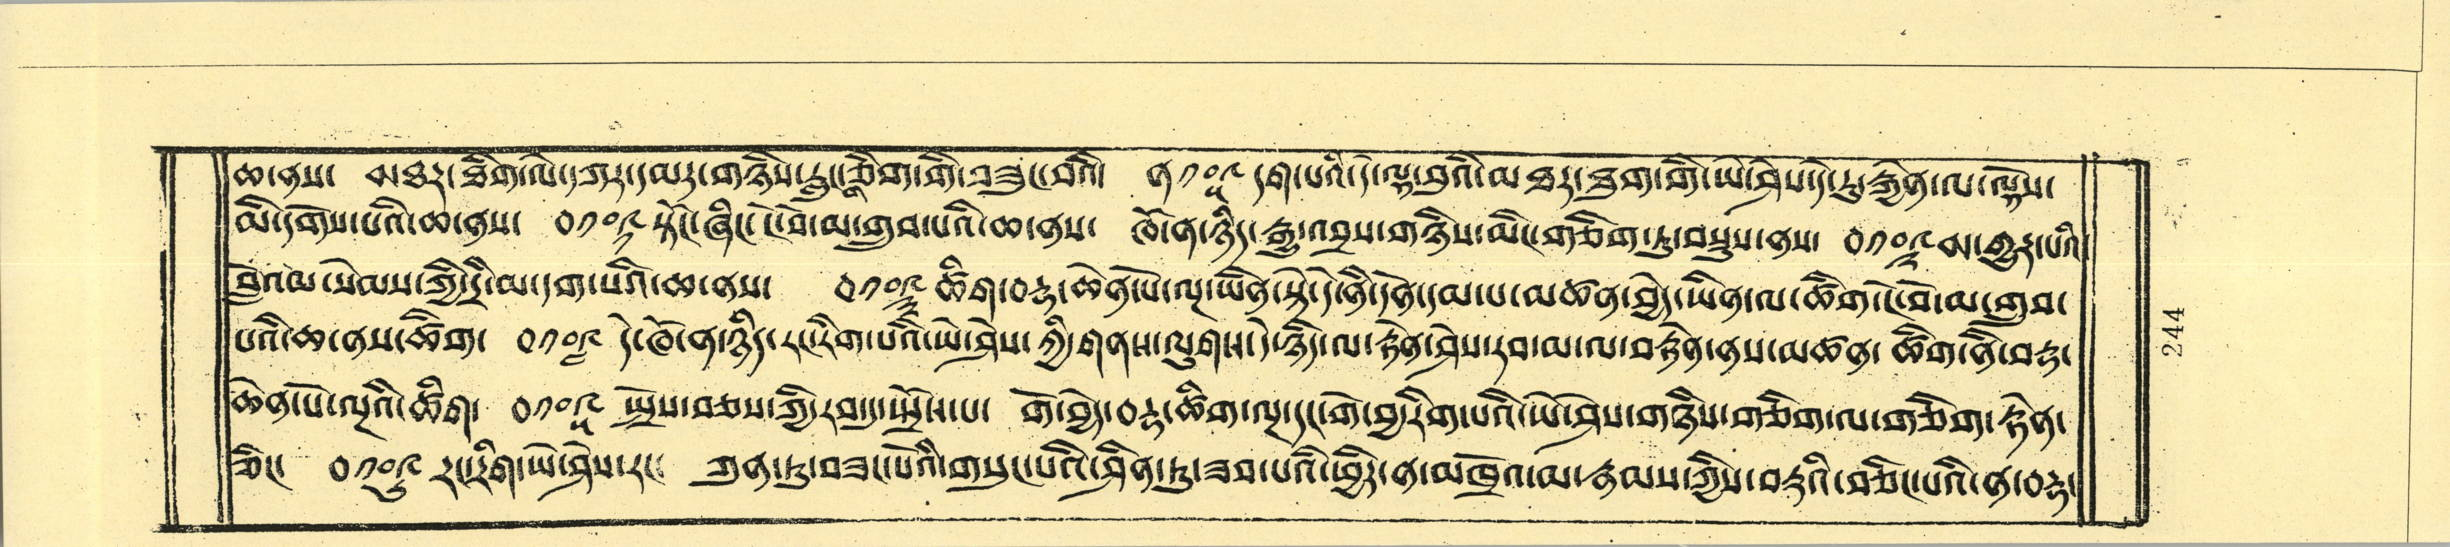ཆ་ནས། ༼མཐར་༽ཐིག་ལེ་དཀར་དམར་གཉིས་རླུང་གཅིག་གི་བཟུང་བའི། ན༡༠༩།༥ ༼དག་པའི་༽དེ་ལྟ་བུའི་མཐར་ཐུག་གི་ཡེ་ཤེས་དེ་རུ་རྐྱེན་ལ་ལྟོས་
མི་དགོས་པའི་ཆ་ནས་བ༡༠༩།༡ ༼སྟོང་ཞིང་༽ངོ་བོ་མ་གྲུབ་པའི་ཆ་ནས་ ༼ཁོ་ན་ཉིད་༽རྒྱུ་འབྲས་གཉིས་མིང་གཅིག་ཏུ་བསྡུས་ནས་བ༡༠༩།༢ ༼མ་གྱུར་༽པའི་
བློ་འམ་སེམས་ཀྱི་དྲི་མ་དག་པའི་ཆ་ནས། བ༡༠༩།༣ ༼ཚིག་བརྡ་༽ཆེན་པོ་ལྔ་ཡིན་སྟེ་དེ་ནི་དོན་དམ་པ་མཚན་བྱེད་ཡིན་ལ་ཚིག་ངོ་བོ་མ་གྲུབ་
པའི་ཆ་ནས་ཚིག་བ༡༠༩།༤ ༼དེ་ཁོ་ན་ཉིད་༽རང་རིག་པའི་ཡེ་ཤེས་ ༼ཀྱི་གནས་ལུགས་༽དེ་ཉིད་ལ་རྟེན་ཤེས་རབ་མ་ལ་བརྟེན་ནས་མཚན་ཚིག་ནི་བརྡ་
ཆེན་པོ་ལྔའི་ ༼ཚིག་༽བ༡༠༩།༥ སྤྲོས་བཅས་ཀྱི་རབ་ཏུ་ ༼སྤྲོས་༽པ། གོ་བྱེད་ ༼བརྡ་༽ཚིག་ལྔ་དང་གོ་བྱ་རིག་པའི་ཡེ་ཤེས་གཉིས་གཅིག་ལ་གཅིག་རྟེན་
ཅིང། བ༡༠༩།༦ ༼རང་རིག་༽ཡེ་ཤེས་རང་། ཀུན་ཏུ་བཟང་པོའི་གསུང་པའི་ཤིན་ཏུ་ཟབ་པའི་ཕྱིར་ན་མཁའ་འགྲོ་མ་རྣམས་ཀྱིས་བརྡའི་བཅིང་པའི་ ༼ན་བརྡ་༽